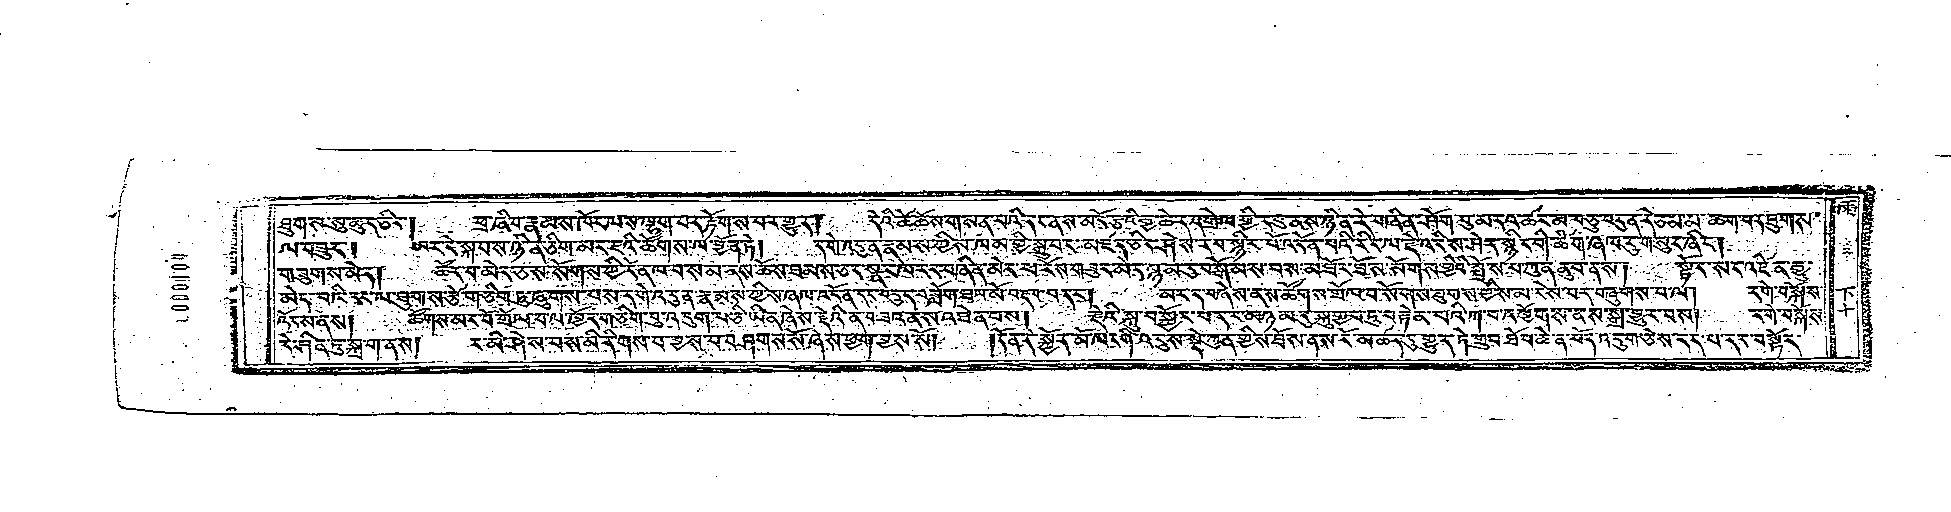ཐུགས་སུ་ཆུད་ཅིང་། ཕྲ་ཞིབ་རྣམས་ཁོང་ལས་ལྷག་པར་རྟོགས་པར་གྱུར། དེའི་ཚེ་ཆོས་གསན་པའི་དང་ནས་མདོ་རྩའི་རྒྱ་ཆེར་འགྲེལ་གྱི་དབུ་ནས་ཉིན་རེ་བཞིན་ཤོག་བུ་མདའ་ཚང་མ་བཅུ་བདུན་རེ་ཙམ་མ་ཆག་པར་ཐུགས་
ལ་བཟུང་། ཡང་དེ་སྐབས་ཉིན་ཅིག་མང་ཇའི་ཚོགས་ལ་བྱོན་ཏེ། དགེ་འདུན་རྣམས་ཀྱིས་ལམ་གྱི་སྒྲུབ་པ་མཛད་ཅིང་ཤེས་རབ་སྙིང་པོ་འདོན་པའི་རིང་ལ་རྗེ་འདིས་ཤེར་སྙིང་གི་ཚིག་ཞལ་དུ་གསུང་ཞིང་།
གཟུགས་མེད། ཚོར་བ་མེད་ཅས་སོགས་ཀྱི་དོན་ལ་བསམ་ནས་ཆོས་ཐམས་ཅད་སྣང་ལ་རང་བཞིན་མེད་པ་ངོས་གཟུང་མེད་སྙམ་དུ་བསྒོམས་པས་མཐོང་ཐོས་སོགས་ཕྱིའི་སྤྲོས་པ་ཀུན་ནུབ་ནས། སྟོང་སང་འཛིན་རྒྱུ་
མེད་བའི་དང་ལ་ཐུགས་རྩེ་གཅིག་ཏུ་ཞུགས་པས་དགེ་འདུན་རྣམས་ཀྱིས་ཞལ་འདོན་དང་བདུད་བཟློག་ཐལ་མོ་བྗབ་པ་དང་། མར་ད་བཞེས་ནས་ཚོགས་གྲོལ་བ་སོགས་ཐུགས་ཀྱིས་མ་ངེས་པར་བཞུགས་པ་ལ། དགེ་བསྐོས་
འོངས་ནས། ཚོགས་མང་པོ་གྲོལ་བ་ལ་ཁྱོད་གཅིག་བུ་འདུག་པ་ཅི་ཡིན་ཞེས་རྗེའི་ན་བཟའ་ནས་འཐེན་པས། རྗེའི་སྐུ་བསྐྱོང་པ་དང་མཉམ་དུ་སྐུ་རྒྱབ་ཏུ་བརྟེན་པའི་ཀ་བ་འཁྱོགས་ནས་སྒྲ་བྱུར་བས། དགེ་བསྐོས་
དེ་ཤིན་ཏུ་སྐྲ་གནས། ང་མི་ཤེས་བས་མི་རིགས་པ་བྱས་བ་བཤགས་སོ་ཞེས་ཕྱག་བྱས་སོ། །དོན་དེ་སྐྱོར་མོ་ལང་གི་འདུས་སྡེ་ཀུན་གྱིས་ཐོས་ནས་ངོ་མཚར་དུ་གྱུར་ཏེ་གྲུབ་ཐོབ་ཆེན་པོར་འདུག་ཅེས་དད་པ་རང་བསྟོད་